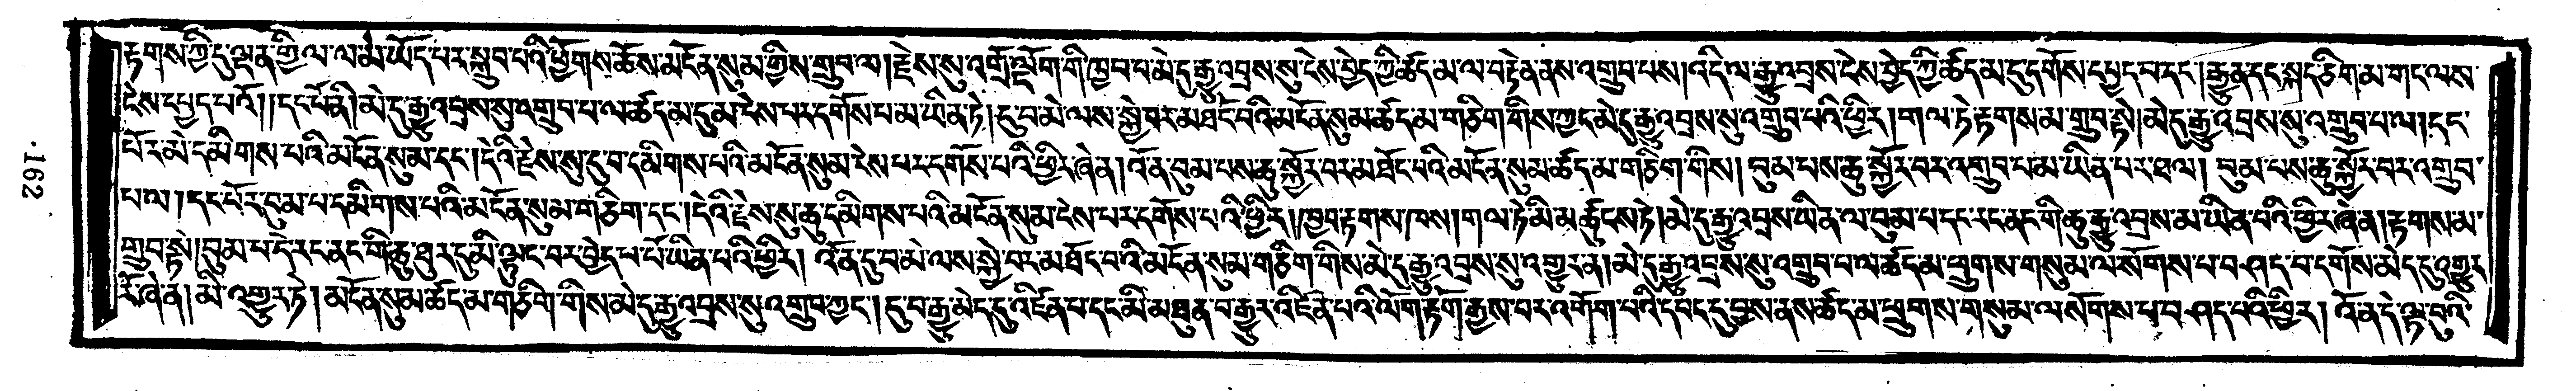རྟགས་ཀྱི་དུ་ལྡན་གྱི་ལ་ལ་མེ་ཡོད་པར་སྒྲུབ་པའི་ཕྱོགས་ཆོས་མངོན་སུམ་གྱིས་གྲུབ་ལ། རྗེས་སུ་འགྲོ་ལྡོག་གི་ཁྱབ་པ་མེ་དུ་རྒྱུ་འབྲས་སུ་ངེས་བྱེད་ཀྱི་ཚད་མ་ལ་བརྟེན་ནས་འགྲུབ་པས། འདི་ལ་རྒྱུ་འབྲས་ངེས་བྱེད་ཀྱི་ཚད་མ་དུ་དགོས་དཔྱད་པ་དང་། རྒྱུན་དང་སྐད་ཅིག་མ་གང་ལས་
ངེས་དཔྱད་པའོ། །དང་པོ་ནི། མེ་དུ་རྒྱུ་འབྲས་སུ་འགྲུབ་པ་ལ་ཚད་མ་དུ་མ་ངེས་པར་དགོས་པ་མ་ཡིན་ཏེ། དུ་བ་མེ་ལས་སྐྱེ་བར་མཐོང་བའི་མངོན་སུམ་ཚད་མ་གཅིག་གིས་ཀྱང་མེ་དུ་རྒྱུ་འབྲས་སུ་འགྲུབ་པའི་ཕྱིར། གལ་ཏེ་རྟགས་མ་གྲུབ་སྟེ། མེ་དུ་རྒྱུ་འབྲས་སུ་འགྲུབ་པ་ལ། དང་
པོར་མེ་དམིགས་པའི་མངོན་སུམ་དང་། དེའི་རྗེས་སུ་དུ་བ་དམིགས་པའི་མངོན་སུམ་མ་ངེས་པར་དགོས་པའི་ཕྱིར་ཞེ་ན། འོ་ན་བུམ་པས་ཆུ་སྐྱོར་བར་མཐོང་བའི་མངོན་སུམ་ཚད་མ་གཅིག་གིས། བུམ་པས་ཆུ་སྐྱོར་བར་འགྲུབ་པ་མ་ཡིན་པར་ཐལ། བུམ་པས་ཆུ་སྐྱོར་བར་འགྲུབ་
པ་ལ། དང་པོར་བུམ་པ་དམིགས་པའི་མངོན་སུམ་གཅིག་དང་། དེའི་རྗེས་སུ་ཆུ་དམིགས་པའི་མངོན་སུམ་ངེས་པར་དགོས་པའི་ཕྱིར། ཁྱབ་རྟགས་ཁས། གལ་ཏེ་མི་མཚུངས་ཏེ། མེ་དུ་རྒྱུ་འབྲས་ཡིན་ལ་བུམ་པ་དང་རང་ནང་གི་ཆུ་རྒྱུ་འབྲས་མ་ཡིན་པའི་ཕྱིར་ཞེ་ན། རྟགས་མ་
གྲུབ་སྟེ། བུམ་པ་དེ་རང་ནང་གི་ཆུ་ཐུར་དུ་མི་ལྟུང་བར་བྱེད་པ་པོ་ཡིན་པའི་ཕྱིར། འོ་ན་དུ་བ་མེ་ལས་སྐྱེ་བར་མཐོང་བའི་མངོན་སུམ་གཅིག་གིས་མེ་དུ་རྒྱུ་འབྲས་སུ་འགྲུབ་ན། མེ་དུ་རྒྱུ་འབྲས་སུ་འགྲུབ་པ་ལ་ཚད་མ་ཕྲུགས་གསུམ་ལ་སོགས་པ་བཤད་པ་དགོས་མེད་དུ་འགྱུར་
རོ་ཞེ་ན། མི་འགྱུར་ཏེ། མངོན་སུམ་ཚད་མ་གཅིག་གིས་མེ་དུ་རྒྱུ་འབྲས་སུ་འགྲུབ་ཀྱང་། དུ་བ་རྒྱུ་མེད་དུ་འཛིན་པ་དང་མི་མཐུན་པ་རྒྱུར་འཛིན་པའི་ལོག་རྟོག་རྒྱས་པར་འགོག་པའི་དབང་དུ་བྱས་ནས་ཚད་མ་ཕྲུགས་གསུམ་ལ་སོགས་པ་བཤད་པའི་ཕྱིར། འོ་ན་དེ་ལྟ་བུའི་